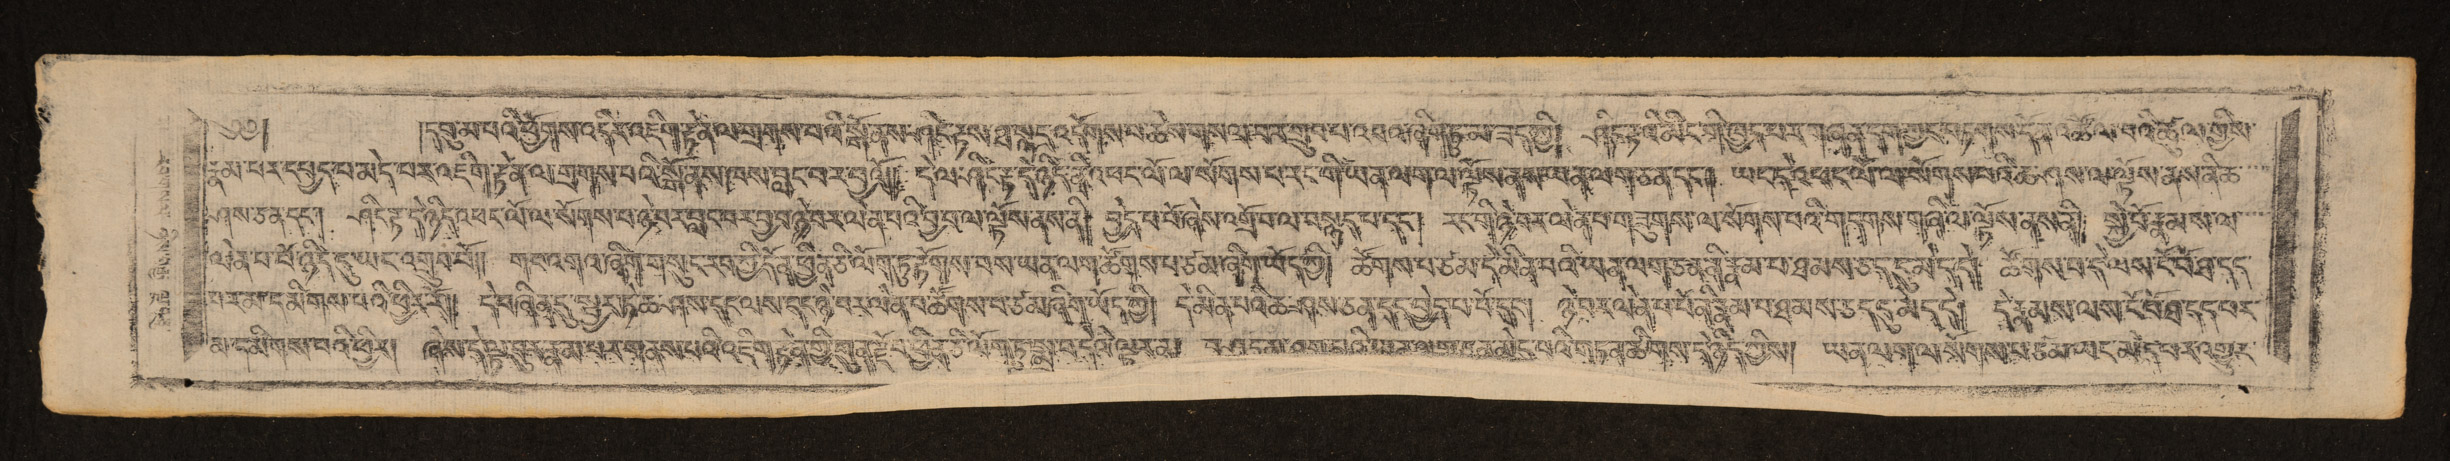༄༅། །དབུ་མ་པའི་ཕྱོགས་འདིར་འཇིག་རྟེན་ལ་གྲགས་པའི་སྒོ་ནས་ཤིང་རྟས་ཐ་སྙད་འདོགས་པ་ཆེས་གསལ་བར་གྲུབ་པ་འབའ་ཞིག་ཏུ་མ་ཟད་ཀྱི། ཤིང་རྟའི་མིང་གི་ཁྱད་པར་གཞན་དག་ཀྱང་བཏགས་དོན་འཚོལ་བའི་ཚུལ་གྱིས་
རྣམ་པར་དཔྱད་པ་མེད་པར་འཇིག་རྟེན་ལ་གྲགས་པའི་སྒོ་ནས་ཁས་བླང་བར་བྱའོ།། དེ་ལ་ཤིང་རྟ་དེ་ཉིད་ནི་འཕང་ལོ་ལ་སོགས་པ་རང་གི་ཡན་ལག་ལ་ལྟོས་ནས་ཡན་ལག་ཅན་དང་། ཡང་དེ་འཕང་ལོ་ལ་སོགས་པའི་ཆ་ཤས་ལ་ལྟོས་ནས་ནི་ཆ་
ཤས་ཅན་དང་། ཤིང་རྟ་དེ་ཉིད་འཕང་ལོ་ལ་སོགས་པ་ཉེ་བར་བླང་བར་བྱ་བ་ཉེ་བར་ལེན་པའི་བྱ་བ་ལ་ལྟོས་ནས་ནི། བྱེད་པ་པོ་ཞེས་འགྲོ་བ་ལ་བསྙད་པ་དང་། རང་གི་ཉེ་བར་ལེན་པ་གཟུགས་ལ་སོགས་པའི་གདགས་གཞི་ལ་ལྟོས་ནས་ནི། སྐྱེ་བོ་རྣམས་ལ་
ལེན་པ་པོ་ཉིད་དུ་ཡང་འགྲུབ་བོ།། གང་འགའ་ཞིག་གསུང་རབ་ཀྱི་དོན་ཕྱིན་ཅི་ལོག་ཏུ་རྟོགས་པས་ཡན་ལག་ཚོགས་པ་ཙམ་ཞིག་ཡོད་ཀྱི། ཚོགས་པ་ཙམ་དེ་མིན་པའི་ཡན་ལག་ཅན་ནི་རྣམ་པ་ཐམས་ཅད་དུ་མེད་དེ། ཚོགས་པ་དེ་ལས་ངོ་བོ་ཐ་དད་
པར་མ་དམིགས་པའི་ཕྱིར་རོ།། དེ་བཞིན་དུ་སྦྱར་ཏེ་ཆ་ཤས་དང་ལས་དང་ཉེ་བར་ལེན་པ་ཚོགས་པ་ཙམ་ཞིག་ཡོད་ཀྱི། དེ་མིན་པའི་ཆ་ཤས་ཅན་དང་བྱེད་པ་པོ་དང་། ཉེ་བར་ལེན་པ་པོ་ནི་རྣམ་པ་ཐམས་ཅད་དུ་མེད་དེ། དེ་རྣམས་ལས་ངོ་བོ་ཐ་དད་པར་
མ་དམིགས་པའི་ཕྱིར། ཞེས་དེ་ལྟ་བུར་རྣམ་པར་གནས་པའི་འཇིག་རྟེན་གྱི་ཀུན་རྫོབ་ཕྱིན་ཅི་ལོག་ཏུ་སྨྲ་བ་དེའི་ལྟར་ན། བཤད་མ་ཐག་པའི་ཡན་ལག་ཅན་མེད་པའི་གཏན་ཚིགས་དེ་ཉིད་ཀྱིས། ཡན་ལག་ལ་སོགས་པ་ཙམ་ཡང་མེད་པར་འགྱུར་